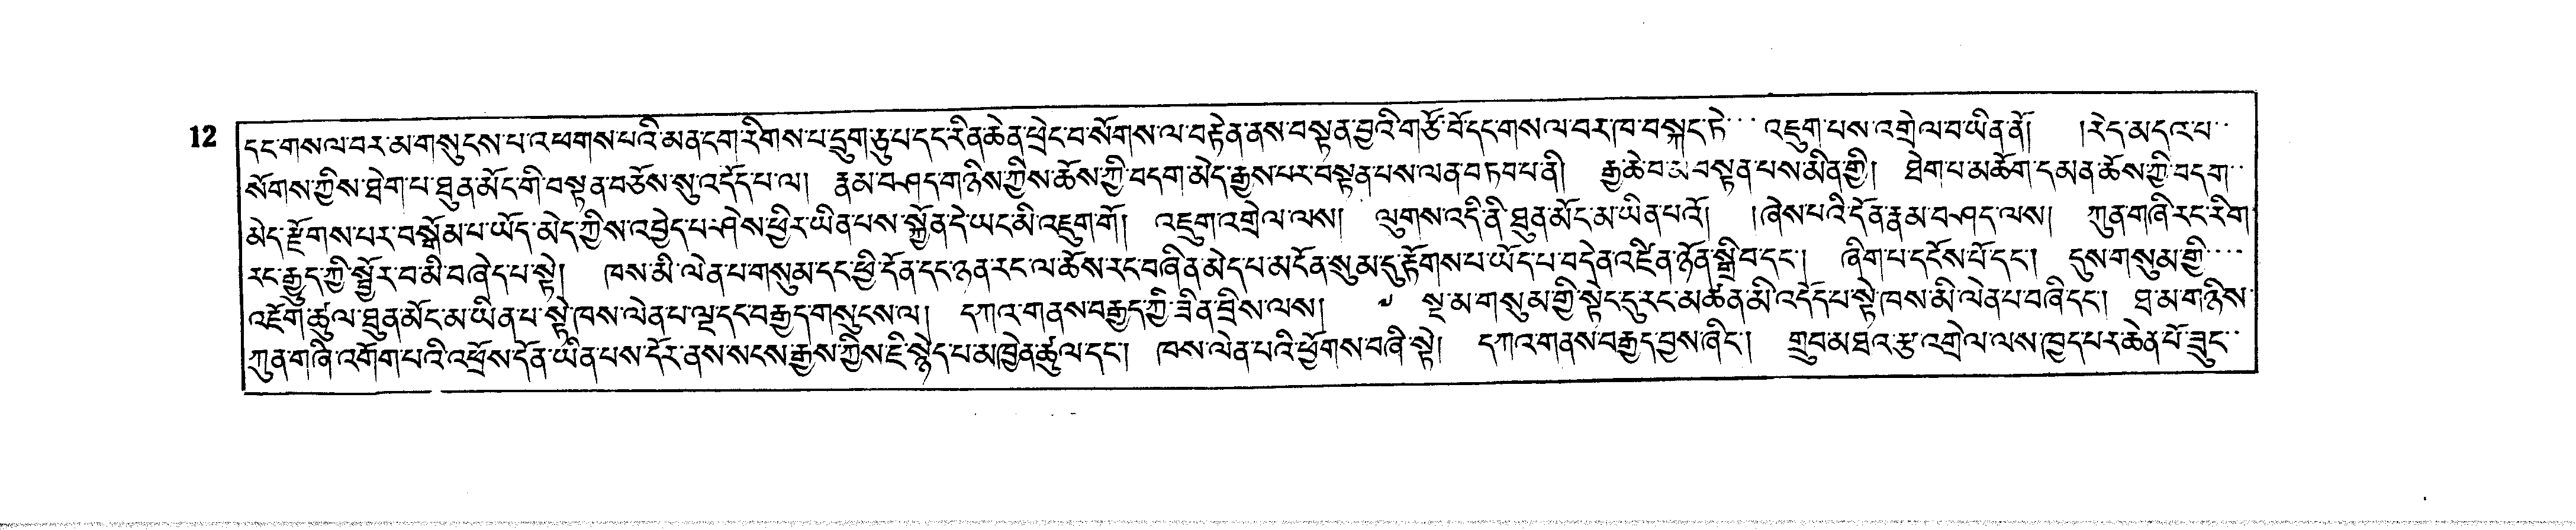དང་གསལ་བར་མ་གསུངས་པ་འཕགས་པའི་མན་ངག་རིགས་པ་དྲུག་ཅུ་པ་དང་རིན་ཆེན་ཕྲེང་བ་སོགས་ལ་བརྟེན་ནས་བསྟན་བྱའི་གཙོ་བོ་དང་གསལ་བར་ཁ་བསྐང་ཏེ་འཇུག་པས་འགྲེལ་བ་ཡིན་ནོ། །རེད་མདའ་པ་
སོགས་ཀྱིས་ཐེག་པ་ཐུན་མོང་གི་བསྟན་བཅོས་སུ་འདོད་པ་ལ། རྣམ་བཤད་གཉིས་ཀྱིས་ཆོས་ཀྱི་བདག་མེད་རྒྱས་པར་བསྟན་པས་ལན་བཏབ་པ་ནི། རྒྱ་ཆེ་བ་མ་བསྟན་པས་མིན་གྱི། ཐེག་པ་མཆོག་དམན་ཆོས་ཀྱི་བདག་
མེད་རྫོགས་པར་བསྒོམ་པ་ཡོད་མེད་ཀྱིས་འབྱེད་པ་ཤེས་ཕྱིར་ཡིན་པས་སྐྱོན་དེ་ཡང་མི་འཇུག་གོ །འཇུག་འགྲེལ་ལས། ལུགས་འདི་ནི་ཐུན་མོང་མ་ཡིན་པའོ། །ཞེས་པའི་དོན་རྣམ་བཤད་ལས། ཀུན་གཞི་རང་རིག་
རང་རྒྱུད་ཀྱི་སྦྱོར་བ་མི་བཞེད་པ་སྟེ། ཁས་མི་ལེན་པ་གསུམ་དང་ཕྱི་དོན་དང་ཉན་རང་ལ་ཆོས་རང་བཞིན་མེད་པ་མངོན་སུམ་དུ་རྟོགས་པ་ཡོད་པ་བདེན་འཛིན་ཉོན་སྒྲིབ་དང་། ཞིག་པ་དངོས་པོ་དང་། དུས་གསུམ་གྱི་
འཇོག་ཚུལ་ཐུན་མོང་མ་ཡིན་པ་སྟེ་ཁས་ལེན་པ་ལྔ་དང་བརྒྱད་གསུངས་ལ། དཀའ་གནས་བརྒྱད་ཀྱི་ཟིན་བྲིས་ལས། ༧་སྔ་མ་གསུམ་གྱི་སྟེང་དུ་རང་མཚན་མི་འདོད་པ་སྟེ་ཁས་མི་ལེན་པ་བཞི་དང་། ཐ་མ་གཉིས་
ཀུན་གཞི་འགོག་པའི་འཕྲོས་དོན་ཡིན་པས་དོར་ནས་སངས་རྒྱས་ཀྱིས་ཇི་སྙེད་པ་མཁྱེན་ཚུལ་དང་། ཁས་ལེན་པའི་ཕྱོགས་བཞི་སྟེ། དཀའ་གནས་བརྒྱད་བྱས་ཞིང་། གྲུབ་མཐའ་རྩ་འགྲེལ་ལས་ཁྱད་པར་ཆེན་པོ་ཟུང་